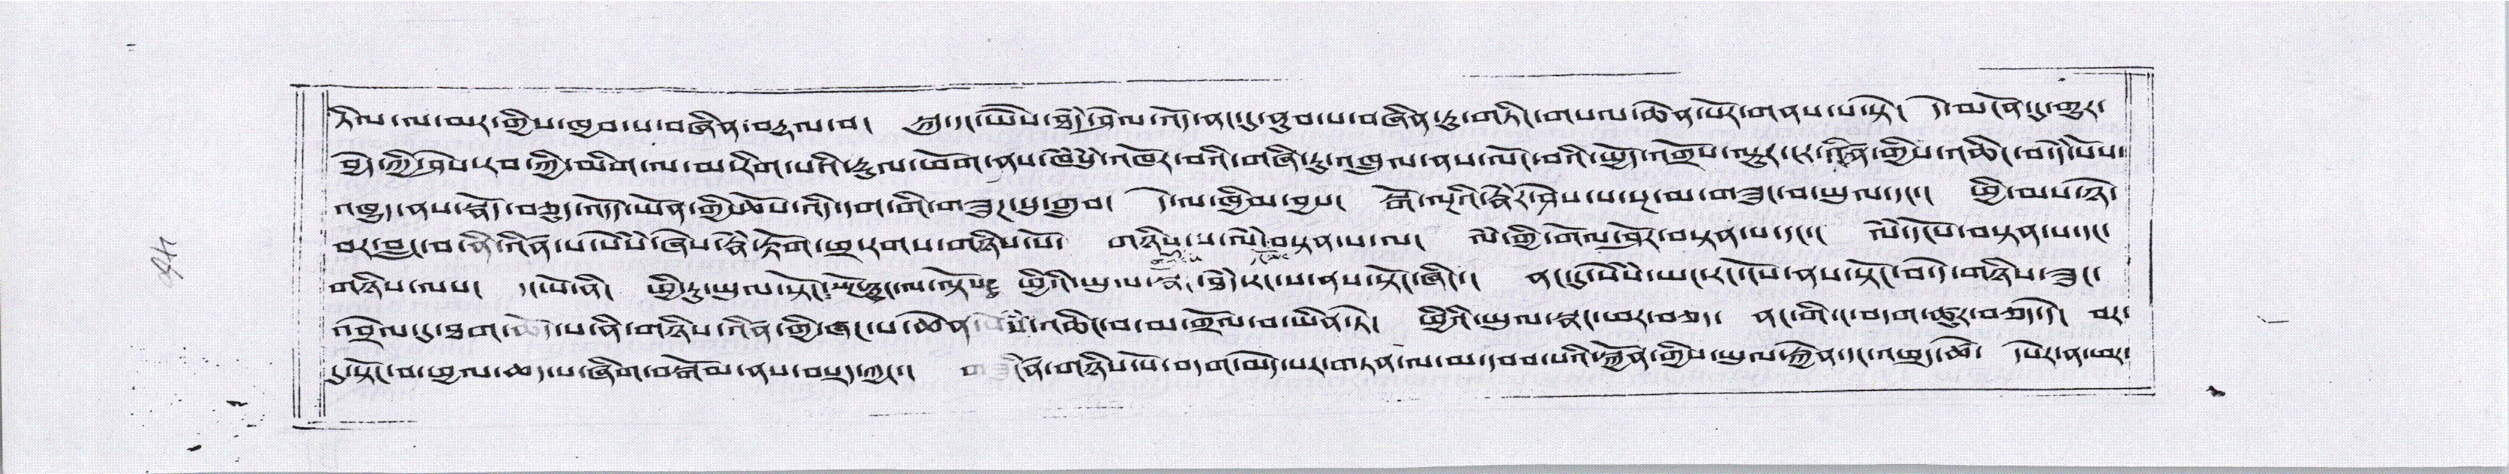ཏིལ་ལ་མར་གྱིས་ཁྱབ་པ་བཞིན་བརྡལ་བ། སྐུ་དང་ཡེ་ཤེས་ཐམས་ཅད་ཤེལ་འོད་ནང་དུ་ནུབ་པ་བཞིན་དུ་གཏིང་གསལ་ཆེན་པོར་གནས་པ་སྟེ། དེ་མངོན་དུ་གྱུར་
བྱེད་ཀྱི་ཤེས་རབ་ཀྱི་མིག་ལ་མ་རིག་པའི་རྡུལ་ཕོག་ནས་ཁམས་གསུམ་འཁོར་བའི་གཞི་རུ་འཁྲུལ་ནས་ལོང་བའི་སྤྱོད་འགྲོས་ལྟ་བུར་ངར་འཛིན་གྱི་འཆིང་བ་དམ་པོས་
འཁྱུད་ནས་སྣོད་བཅུད་འདོད་ཡོན་གྱི་ཆོས་འདི་དག་གི་གཟུགས་སུ་གྲུབ། དེ་ལ་ཁྱིམ་བྱས། སྒོ་ལྔའི་རྣམ་པར་ཤེས་པ་བཟུང་བ་ཡུལ་དང་། ཕྱི་མས་ཉེ་
བར་བླང་བ་ནི་འཛིན་པ་སེམས་ཞེས་རྣམ་རྟོག་ཕྲ་རགས་གཉིས་སོ། གཉིས་པ་ལམ་དངོས་བསྟན་པ་ལ། ལམ་གྱི་གོལ་ཤོར་བསྟན་པ་དང་། ལམ་དངོས་བསྟན་པ་དང་
གཉིས་ལས། དང་པོ་ནི། ཕྱི་རུ་ཡུལ་སྟོང་སོགས་ཉུང་ལ་ལྟོསཿ ཕྱི་ཡི་ཡུལ་སྣང་ཐམས་ཅད་རང་ས་ནས་ལྟོས་ཤིང་། ནང་དུ་སེམས་ཡང་རང་ངོས་ནས་སྟོང་བ་དེ་གཉིས་ཟུང་
འབྲེལ་དུ་ཐག་ཆོད་པ་ནི་གཉིས་འཛིན་གྱི་ཞགས་པ་ཆེན་པོས་འཆིང་བ་མ་གྲོལ་བ་ཡིན་ཏེ། ཕྱི་ཡི་ཡུལ་སྣང་ཕར་བཅད། ནང་གི་ང་བདག་ཚུར་བཅད་དེ། བར་
དུ་སྟོང་བ་ཕྱལ་ཆད་པ་ཞིག་བསྒོམས་ནས་བསྡད་ཀྱང་། གཟུང་འཛིན་གཉིས་པོ་བདག་མེད་པར་གཏན་ལ་མ་དབབ་པའི་སྐྱོན་གྱིས་ཡུལ་རྐྱེན་དང་འཕྲད་ཚེ། དཔེར་ན་ཕར་